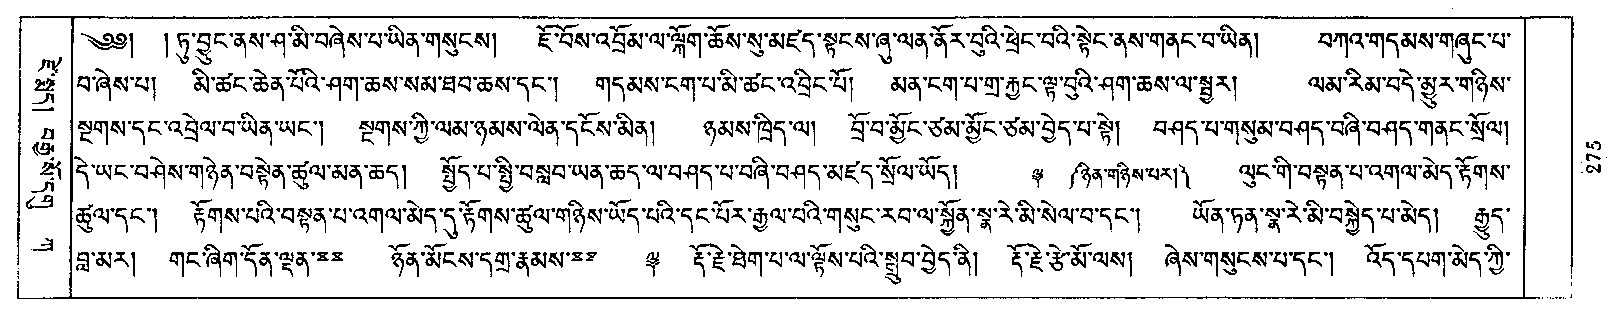༄༅། །ཏུ་བྱུང་ནས་ཤ་མི་བཞེས་པ་ཡིན་གསུངས། ཇོ་བོས་འབྲོམ་ལ་ལྐོག་ཆོས་སུ་མཛད་སྟངས་ཞུ་ལན་ནོར་བུའི་ཕྲེང་བའི་སྟེང་ནས་གནང་བ་ཡིན། བཀའ་གདམས་གཞུང་པ་
བ་ཞེས་པ། མི་ཚང་ཆེན་པོའི་ཤག་ཆས་སམ་ཐབ་ཆས་དང་། གདམས་ངག་པ་མི་ཚང་འབྲིང་པོ། མན་ངག་པ་གྲ་རྐྱང་ལྟ་བུའི་ཤག་ཆས་ལ་སྦྱར། ལམ་རིམ་བདེ་མྱུར་གཉིས་
སྔགས་དང་འབྲེལ་བ་ཡིན་ཡང་། སྔགས་ཀྱི་ལམ་ཉམས་ལེན་དངོས་མིན། ཉམས་ཁྲིད་ལ། བྲོ་བ་མྱོང་ཙམ་མྱོང་ཙམ་བྱེད་པ་སྟེ། བཤད་པ་གསུམ་བཤད་བཞི་བཤད་གནང་སྲོལ།
དེ་ཡང་བཤེས་གཉེན་བསྟེན་ཚུལ་མན་ཆད། སྤྱོད་པ་སྤྱི་བསླབ་ཡན་ཆད་ལ་བཤད་པ་བཞི་བཤད་མཛད་སྲོལ་ཡོད། ༈ ༼ཉིན་གཉིས་པར།༽ ལུང་གི་བསྟན་པ་འགལ་མེད་རྟོགས་
ཚུལ་དང་། རྟོགས་པའི་བསྟན་པ་འགལ་མེད་དུ་རྟོགས་ཚུལ་གཉིས་ཡོད་པའི་དང་པོར་རྒྱལ་བའི་གསུང་རབ་ལ་སྐྱོན་སྣ་རེ་མི་སེལ་བ་དང་། ཡོན་ཏན་སྣ་རེ་མི་བསྐྱེད་པ་མེད། རྒྱུད་
བླ་མར། གང་ཞིག་དོན་ལྡན་྾་྾་ཉོན་མོངས་དགྲ་རྣམས་྾་྾་༈ རྡོ་རྗེ་ཐེག་པ་ལ་ལྟོས་པའི་སྒྲུབ་བྱེད་ནི། རྡོ་རྗེ་རྩེ་མོ་ལས། ཞེས་གསུངས་པ་དང་། འོད་དཔག་མེད་ཀྱི་